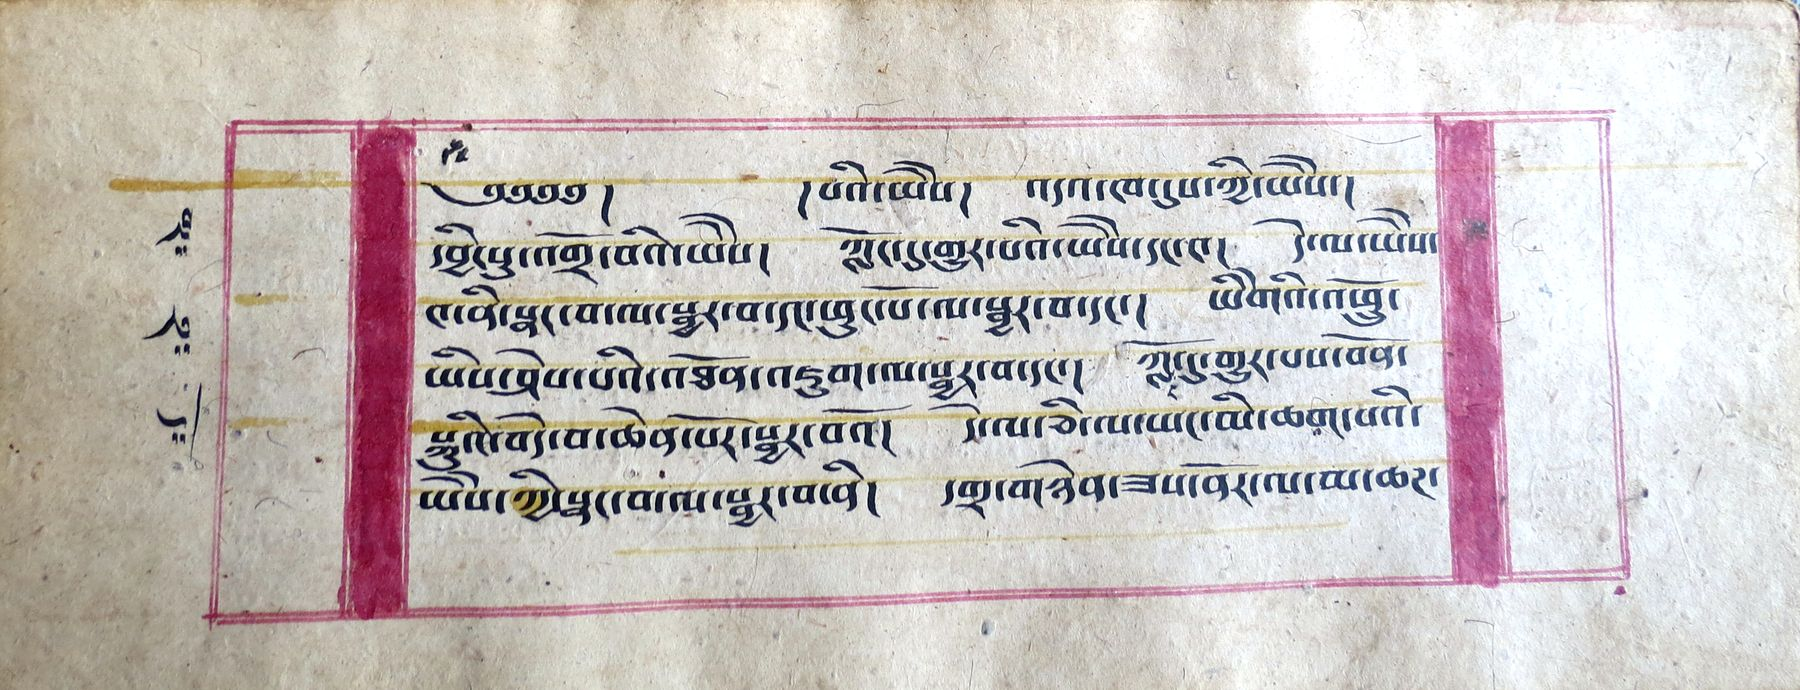པའི་ཡེ་ཤེས། འདའ་ཁ་དུས་ཀྱི་ཡེ་ཤེས། 
དབྱིངས་སུ་འགྲོ་བའི་ཡེ་ཤེས། ཀློང་དུ་གྱུར་པའི་ཡེ་ཤེས་དང་བཞི། དེ་ལ་ཡེ་ཤེས་
བཞི་ནི། སྣང་བ་ལ་སྦྱར་བ་དང་། ཕུང་པོ་ལ་སྦྱར་བ་དང་། ཡི་གེའི་འཕྲོ་འདུ་
ཡིས་ཤེས་པའི་འཐོན་འཇུག་ལ་སྦྱར་བ་དང་། ཀློང་དུ་གྱུར་པས་བོན་
སྐུའི་བདེ་བ་ཆེན་པོ་ལ་སྦྱར་བའོ། །དེ་ལ་ཅི་ལ་ཡང་མི་ཆགས་པའི་
ཡེ་ཤེས་ཀྱི་སྣང་བ་ལ་སྦྱར་བ་ནི། དགྲ་གཉེན་ཟས་ནོར་ལ་མ་ཆགས་